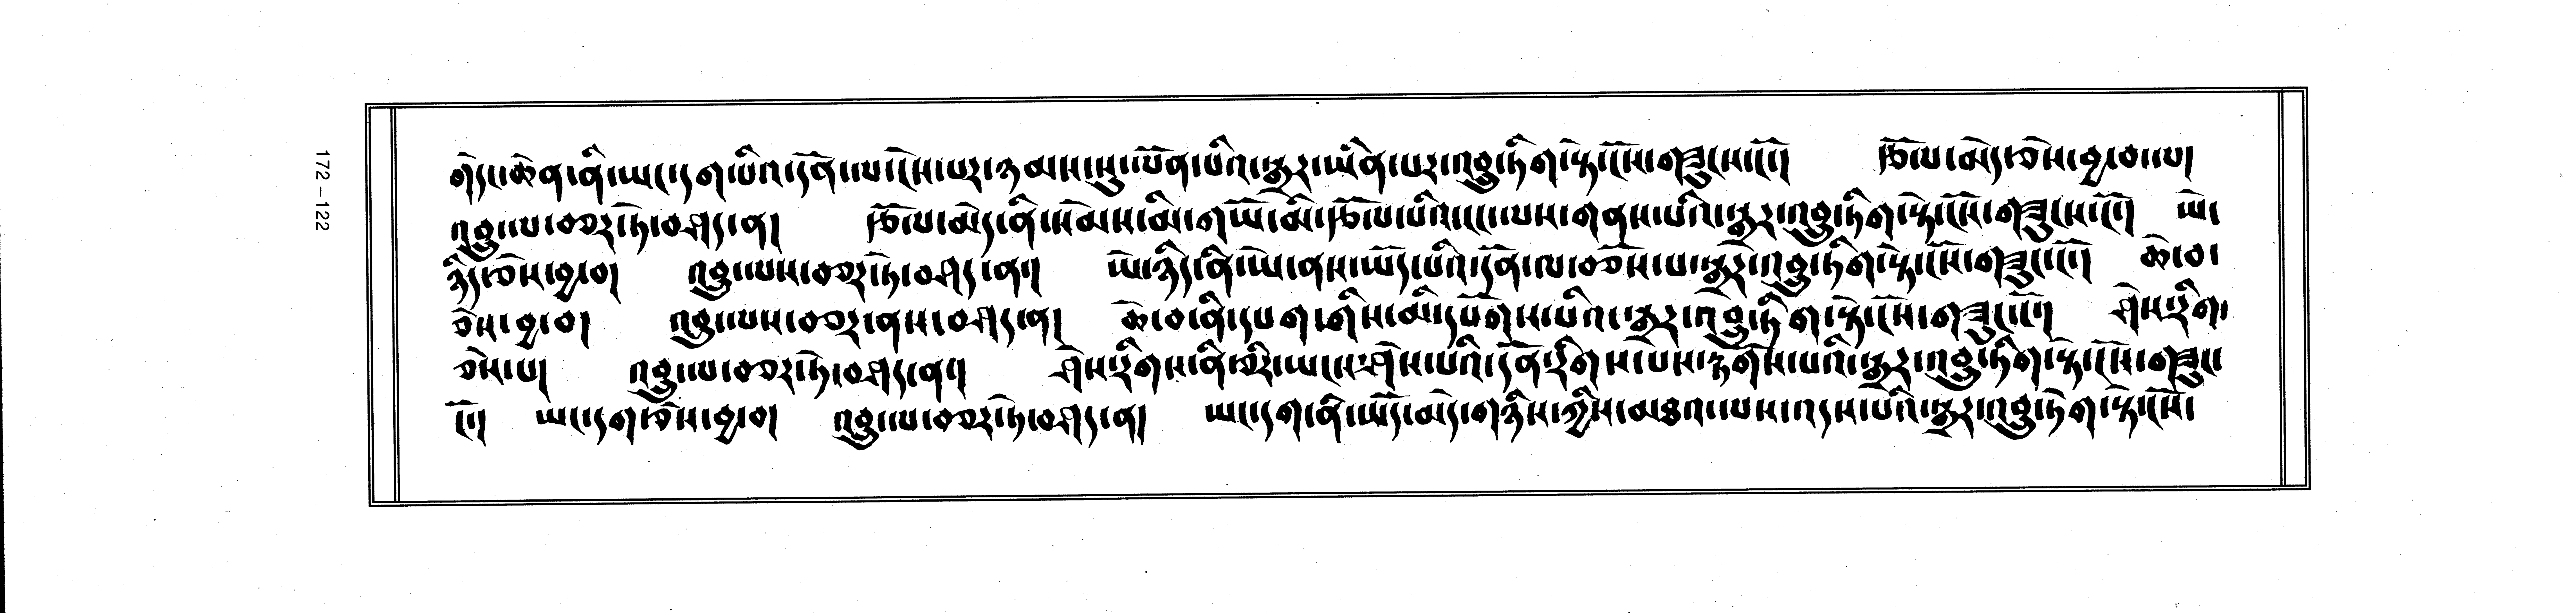གདེང་ཆེན་ནི་ཡང་དག་པའི་དོན་ལ་ངེས་པར་ཉམས་སུ་ལོན་པའི་སྒྲར་ཡིན་པར་འབྲུ་ཏིག་སྟེ་ངོས་གཟུངས་ངོ་། རྩོལ་མེད་ཅེས་བྱ་བ་ལ། 
འབྲུ་ལ་བཅར་ཏེ་བཤད་ན། རྩོལ་མེད་ནི་སེམས་མི་གཡོ་མི་རྩོལ་པའི་ངང་ལས་གནས་པའི་སྒྲར་འབྲུ་ཏིག་སྟེ་ངོས་གཟུངས་ངོ་། ཡེ་
ཉིད་ཅེས་བྱ་བ། འབྲུ་ལས་བཅར་ཏེ་བཤད་ན། ཡེ་ཉིད་ནི་ཡེ་ནས་ཡོད་པའི་དོན་ལ་བཅོས་པ་སྒྲར་འབྲུ་ཏིག་སྟེ་ངོས་གཟུངས་ངོ་། ཆེ་བ་
ཅེས་བྱ་བ། འབྲུ་ལས་བཅར་ནས་བཤད་ན། ཆེ་བ་ནི་དཔག་གིས་མི་དཔོགས་པའི་སྒྲར་འབྲུ་ཏིག་སྟེ་ངོས་གཟུངས་ངོ་། ཤེས་རིག་
ཅེས་པ། འབྲུ་ལས་བཅར་ཏེ་བཤད་ན། ཤེས་རིག་ནི་ཅིར་ཡངས་ཤེས་པའི་དོན་རིག་པས་རྟོགས་པའི་སྒྲར་འབྲུ་ཏིག་སྟེ་ངོས་གཟུངས་
ངོ་། ཡང་དག་ཅེས་བྱ་བ། འབྲུ་ལ་བཅར་ཏེ་བཤད་ན། ཡང་དག་ནི་ཡོད་མེད་གཉིས་ཀྱིས་མཐའ་ལས་འདས་པའི་སྒྲར་འབྲུ་ཏིག་སྟེ་ངོས་